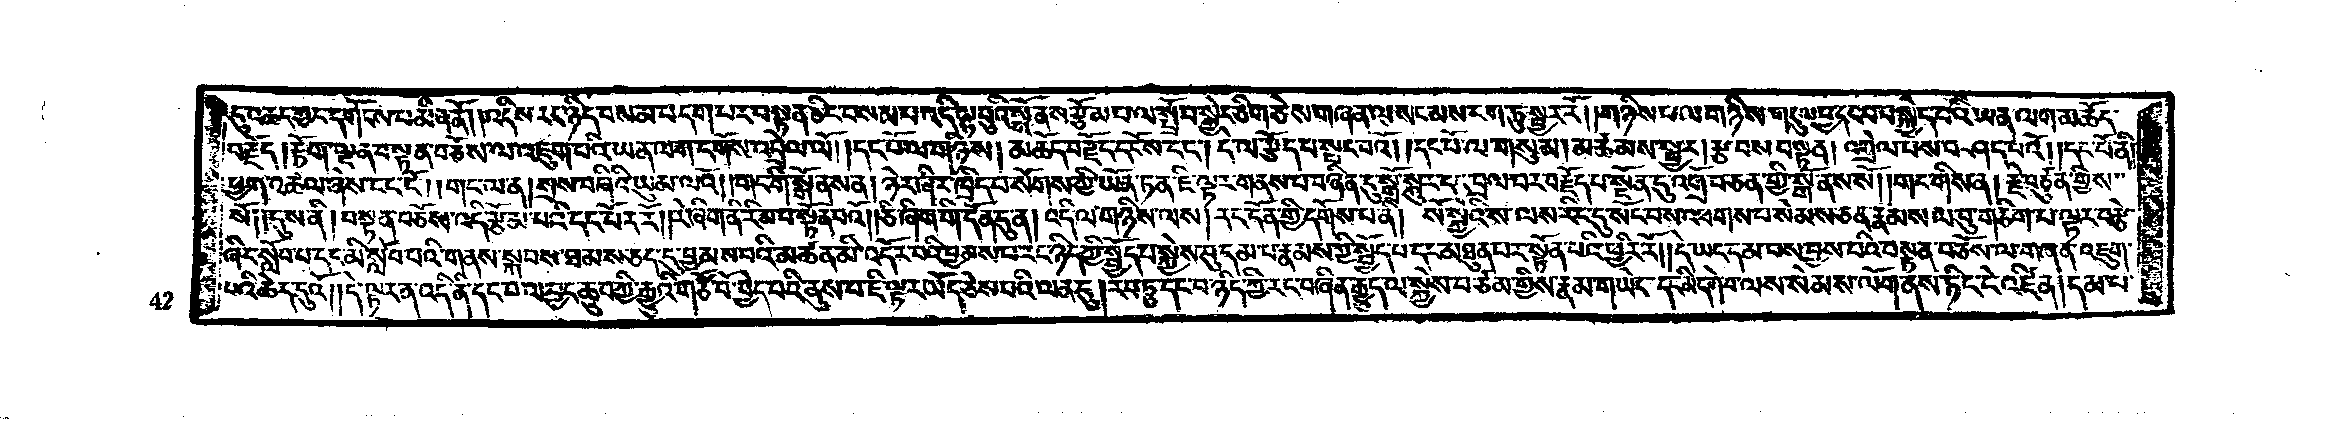དུ་འཆད་ཀྱང་དགོངས་པ་མིན་ནོ། །འདིས་རང་ཉིད་བསམ་པ་དག་པར་བསྟན་ཅིང་བསམ་པ་འདི་ལྟ་བུའི་སྒོ་ནས་རྩོམ་པ་ལ་སྤྲོ་བ་སྐྱེད་ཅིག་ཅེས་གཞན་ལ་གདམས་ངག་ཏུ་སྦྱར་རོ། །གཉིས་པ་ལ་གཉིས། གདུལ་བྱ་དྭང་བ་བསྐྱེད་པའི་ཡན་ལག་མཆོད་
བརྗོད། རྟོག་ལྡན་བསྟན་བཅོས་ལ་འཇུག་པའི་ཡན་ལག་དགོས་འབྲེལ་ལོ། །དང་པོ་ལ་གཉིས། མཆོད་བརྗོད་དངོས་དང་། དེ་ལ་རྩོད་པ་སྤང་བའོ། །དང་པོ་ལ་གསུམ། མཚམས་སྦྱར། རྩ་བས་བསྟན། འགྲེལ་པས་བཤད་པའོ། །དང་པོ་ནི།
ཕྱག་འཚལ་ཞེས་དང་ངོ། །གང་ལ་ན། སྲས་བཞིའི་ཡུམ་ལའོ། །གང་གི་སྒོ་ནས་ན། ཉེར་ཞིར་ཁྲིད་པ་སོགས་ཀྱི་ཡོན་ཏན་ཇི་ལྟར་གནས་པ་བཞིན་དུ་སྒྲོ་སྐུར་དང་བྲལ་བར་བརྗོད་པ་སྔོན་དུ་འགྲོ་བ་ཅན་གྱི་སྒོ་ནས་སོ། །གང་གིས་ན། རྗེ་བཙུན་གྱིས་
སོ། །དུས་ན། བསྟན་བཅོས་འདི་རྩོམ་པའི་དང་པོར་རོ། །རེ་ཞིག་ནི་རིམ་པ་སྟོན་པའོ། །ཅི་ཞིག་གི་དོན་དུ་ན། འདི་ལ་གཉིས་ལས། རང་དོན་གྱི་དགོས་པ་ནི། སོ་སྐྱེའི་ས་ལས་རིང་དུ་སོང་བས་འཕགས་པ་སེམས་ཅན་རྣམས་ལ་བུ་གཅིག་པ་ལྟར་བརྩེ་
ཞིང་སློབ་པ་དང་མི་སློབ་པའི་གནས་སྐབས་ཐམས་ཅད་དུ་བྱམས་པའི་མཚན་མི་འདོར་བའི་བྱམས་པ་རང་ཉིད་ཀྱི་སྤྱོད་པ་སྐྱེས་བུ་དམ་པ་རྣམས་ཀྱི་སྤྱོད་པ་དང་མཐུན་པར་སྟོན་པའི་ཕྱིར་རོ། །དེ་ཡང་དམ་པས་བྱས་པའི་བསྟན་བཅོས་ལ་གཞན་འཇུག་
པའི་ཆེད་དུའོ། །དེ་ལྟར་ན་འདི་ནི་དང་བ་ལ་བྱང་ཆུབ་ཀྱི་རྒྱུའི་གཙོ་བོ་བྱེད་པའི་ནུས་པ་ཇི་ལྟར་ཡོད་ཅེས་པའི་ལན་དུ། རབ་ཏུ་དང་བ་ཉིད་ཀྱི་རང་བཞིན་རྒྱུད་ལ་སྐྱེས་པ་ཙམ་གྱིས་རྣམ་གཡེང་དང་མི་དགེ་བ་ལས་སེམས་ལོག་ནས་ཏིང་ངེ་འཛིན། དམ་པ་